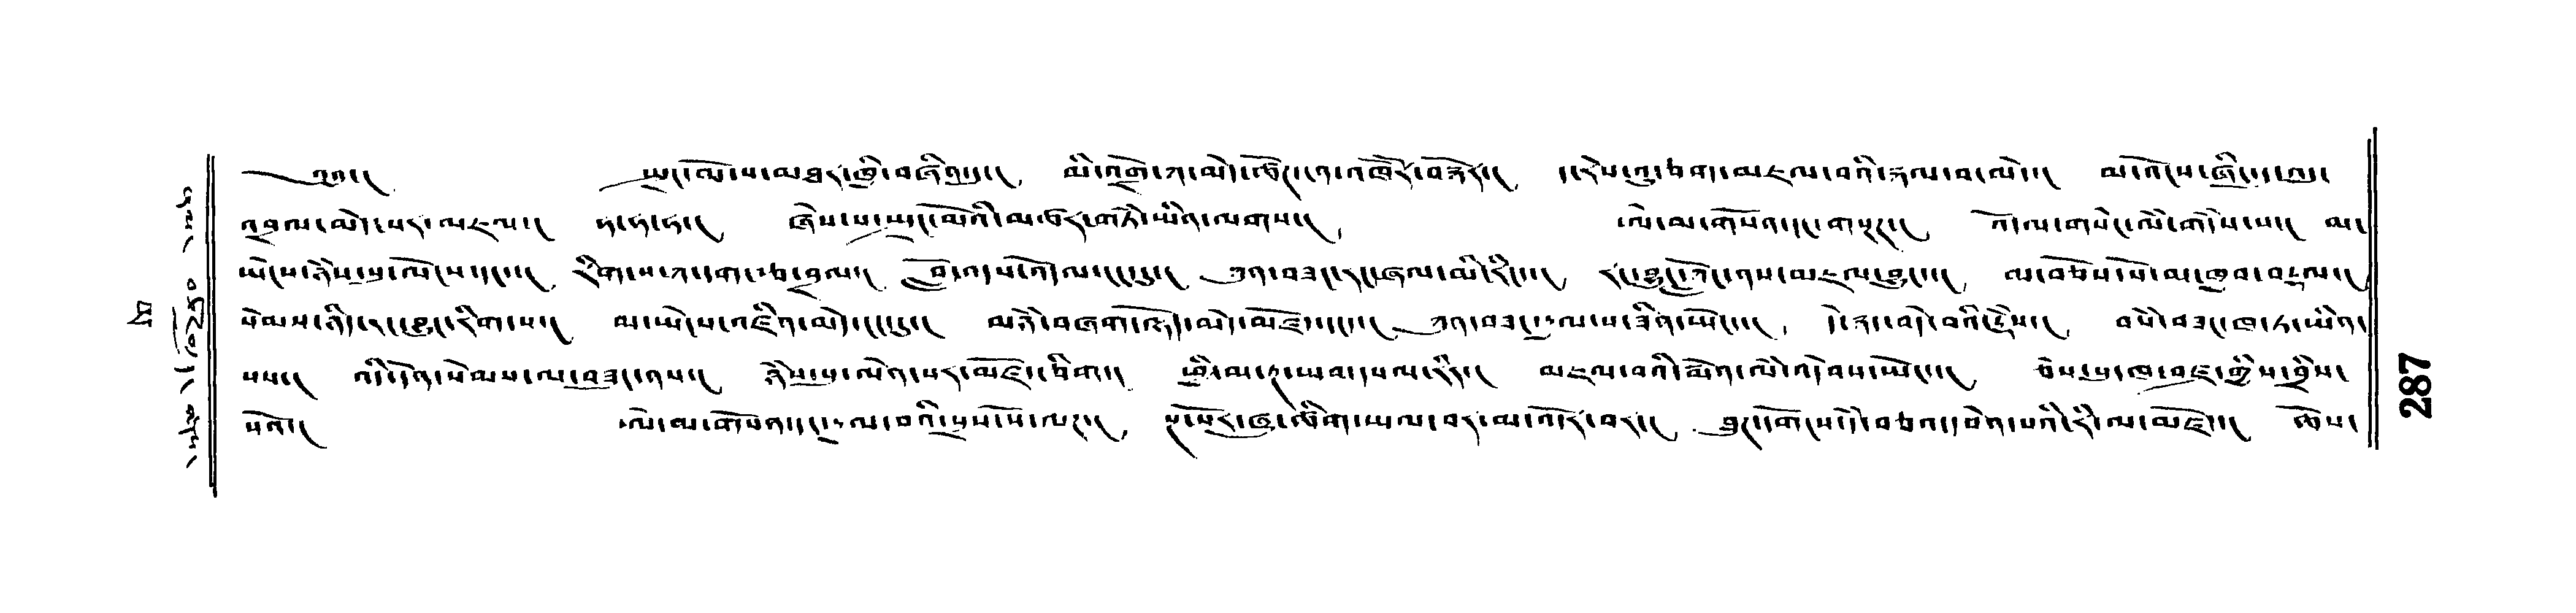སྤྲང་མོ་ས་མཐར་ཁྱི་བཞིན་དུ། །མི་འགྲོ་ཀ་མེད་ཚོགས་ན་འཁོར་ལོ་བསྐོར། །ད་རེས་འུ་ཅག་མཇལ་བའི་སྐལ་བ་མེད། །མ་འོངས་ཞིང་དུ་
འདུ་འབྲལ་མེད་པར་མཇལ། ཧ་ཧ་ཧ། ཞེས་པ་སྤྲང་མོའི་མཚར་གཏམ་ཡིན་ལགས། །ཨེ་མ་གསོན་དང་གསང་སྔགས། །འོད་གསལ་གསེང་ལམ་གདམས་པ། །མ་
ཡེངས་ཉམས་སུ་ལོངས་དང་། །རིག་པ་ཀ་དག་རྩ་བྲལ། །བློ་འདས་འོད་གསལ་ངང་དུ། །ཀུན་བཟང་རང་ཞལ་མི་རིང་། །རང་བྱུང་ཀློང་ནས་མཇལ་བྱུང་། །མ་བཅོས་སོ་མ་ཁྱབ་བརྡལ། 
སེམས་ཉིད་རང་བྱུང་རིག་པ། །མ་ཡེངས་འཛིན་མེད་ངང་དུ། །མཉམ་བཞག་ལྷོད་མེད་མཛོད་དང་། །ཀུན་བཟང་རྒྱལ་ས་ཟིན་ཡོང་། །དེ་སྐད་བདེ་བའི་རྡོ་རྗེས། །བསམ་བཟང་ཁ་ཏ་ཡིན་
པས། །འདི་དོན་སེམས་ལ་བཟུང་ནས། །ཉམས་སུ་ལེན་པར་མཛོད་ཅིག །ཕྱི་མ་རྔ་ཡབ་དཔལ་རིར། །མཇལ་བའི་སྨོན་ལམ་འདེབས་ཡོང་། ཅེས་སུ་ཁ་བཛྲ་གྱིས་བྲིས་
པའོ།། ཨེ་མ་གསོན་དང་རྒྱལ་བའི་སྲས་སོ་ལགས། །སྔ་སོར་ཞུ་ཚིག་ཡལ་བར་མ་འདོར་བར། །ཐུགས་དགོངས་དམ་བཅའ་དབེན་པའི་རི་ལ་མཛོད། །ཆོས་